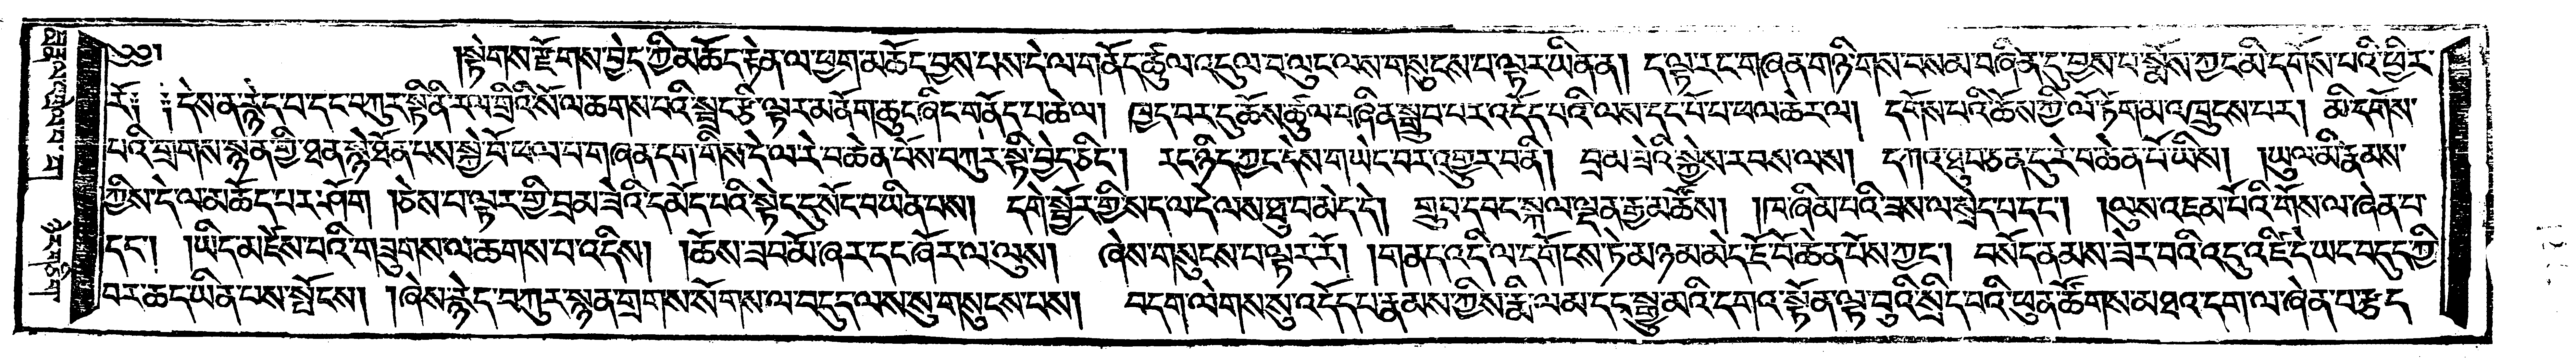༄༅། །སྟེགས་རྫོགས་བྱེད་ཀྱི་མཆོད་རྟེན་ལ་ཕྱག་མཆོད་བྱས་པས་དེ་ལ་གནོད་ཚུལ་འདུལ་བ་ལུང་ལས་གསུངས་པ་ལྟར་ཡིན་ན། ད་ལྟ་རང་གཞན་གཉི་གས་བསམ་བཞིན་དུ་བྱས་པ་སྨོས་ཀྱང་མི་དགོས་པའི་ཕྱིར་
རོ༑ ༑དེས་ན་རྙེད་པ་དང་བཀུར་སྟི་ནི་རལ་གྲིའི་སོ་ལ་ཆགས་པའི་སྦྲང་རྩི་ལྟར་མནོག་ཆུང་ཞིང་གནོད་པ་ཆེ་ལ། ཁྱད་པར་དུ་ཆོས་ཚུལ་བཞིན་སྒྲུབ་པར་འདོད་པའི་ལས་དང་པོ་པ་ཕལ་ཆེར་ལ། དགོས་པའི་ཆོས་ཀྱི་ལོ་ཏོག་མ་འཁྲུངས་པར། མི་དགོས་
པའི་གྲགས་སྙན་གྱི་ཐན་སྙེ་ཐོན་པས་སྐྱེ་བོ་ཕལ་བ་གཞན་དག་གིས་དེ་ལ་རེ་བ་ཆེན་པོས་བཀུར་སྟི་བྱེད་ཅིང་། རང་ཉིད་ཀྱང་ངེས་གཡེང་བར་འགྱུར་བ་ནི། བྲམ་ཟེའི་སྐྱེས་རབས་ལས། དཀའ་ཐུབ་ཅན་དུ་རེ་བ་ཆེན་པོ་ཡིས། །ཡུལ་མི་རྣམས་
ཀྱིས་དེ་ལ་མཆོད་པར་ཤོག །ཅེས་པ་ལྟར་གྱི་བྲམ་ཟེའི་དམོད་པའི་སྟེང་དུ་སོང་བ་ཡིན་པས། དགེ་སྦྱོར་གྱི་སད་ལ་དེ་ལས་ཐུ་བ་མེད་དེ། གྲུབ་དབང་སྐལ་ལྡན་རྒྱ་མཚོས། །ཁ་ཞིམ་པའི་ཟས་ལ་སྲེད་པ་དང་། །ལུས་འཇམ་པོའི་གོས་ལ་ཞེན་པ་
དང་། །ཡིད་མཛེས་པའི་གཟུགས་ལ་ཆགས་པ་འདིས། །ཆོས་ཟབ་མོ་ཞར་དང་ཞོར་ལ་ལུས། ཞེས་གསུངས་པ་ལྟར་རོ། །གནད་འདི་ལ་དགོངས་ཏེ་མཉམ་མེད་ཇོ་བོ་ཆེན་པོས་ཀྱང་། བསོད་ནམས་ཟེར་བའི་འདུ་འཛི་དེ་ཡང་བདུད་ཀྱི་
བར་ཆད་ཡིན་པས་སྤོངས། །ཞེས་རྙེད་བཀུར་སྙན་གྲགས་སོགས་ལ་བདུད་ལས་སུ་གསུངས་པས། བདག་ལེགས་སུ་འདོད་པ་རྣམས་ཀྱིས་རྨི་ལམ་དང་སྒྱུ་མའི་དགའ་སྟོན་ལྟ་བུའི་སྲིད་པའི་ཕུན་ཚོགས་མཐའ་དག་ལ་ཞེན་བརྩད་